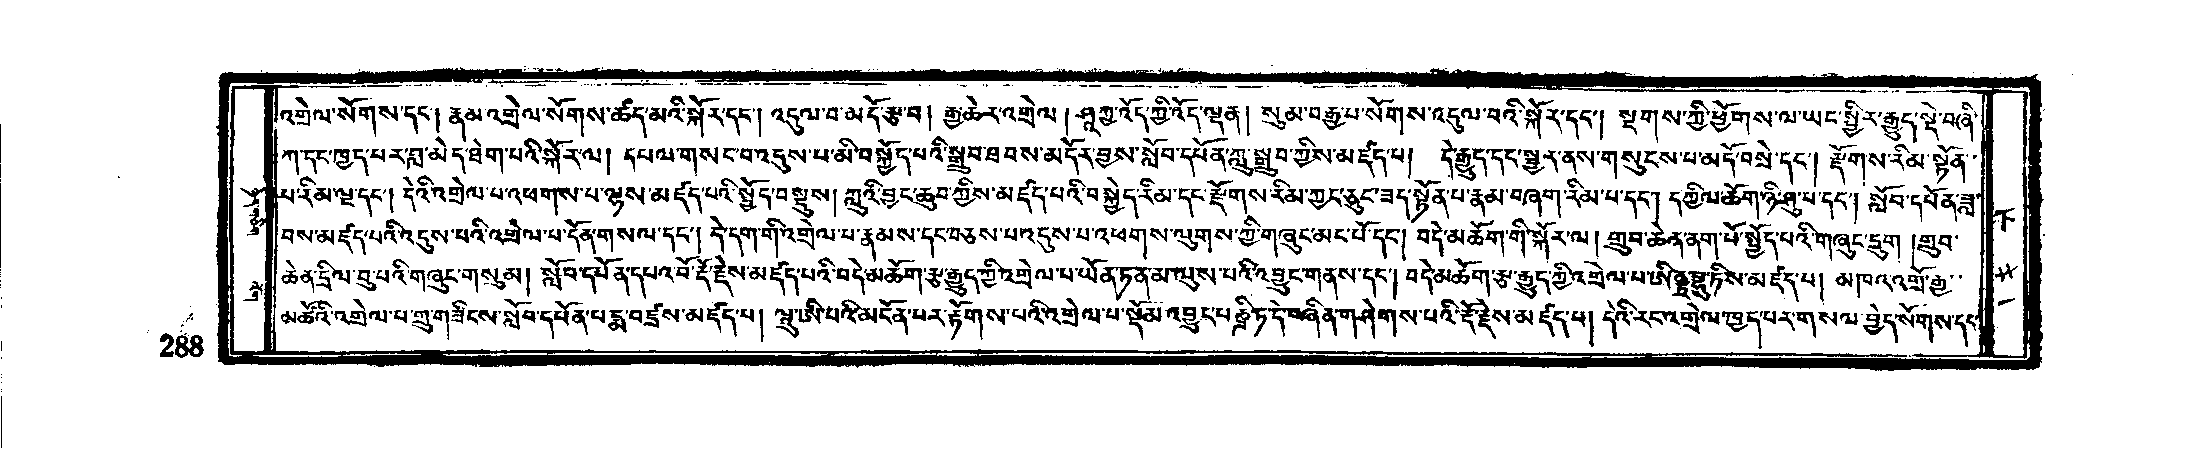འགྲེལ་སོགས་དང་། རྣམ་འགྲེལ་སོགས་ཚད་མའི་སྐོར་དང་། འདུལ་བ་མདོ་རྩ་བ། རྒྱ་ཆེར་འགྲེལ། ཤཱཀྱ་འོད་ཀྱི་འོད་ལྡན། སུམ་བརྒྱ་པ་སོགས་འདུལ་བའི་སྐོར་དང་། སྔགས་ཀྱི་ཕྱོགས་ལ་ཡང་སྤྱིར་རྒྱུད་སྡེ་བཞི་
ཀ་དང་ཁྱད་པར་བླ་མེད་ཐེག་པའི་སྐོར་ལ། དཔལ་གསང་བ་འདུས་པ་མི་བསྐྱོད་པའི་སྒྲུབ་ཐབས་མདོར་བྱས་སློབ་དཔོན་ཀླུ་སྒྲུབ་ཀྱིས་མཛད་པ། དེ་རྒྱུད་དང་སྦྱར་ནས་གསུངས་པ་མདོ་བསྲེ་དང་། རྫོགས་རིམ་སྟོན་
པ་རིམ་ལྔ་དང་། དེའི་འགྲེལ་པ་འཕགས་པ་ལྷས་མཛད་པའི་སྤྱོད་བསྡུས། ཀླུའི་བྱང་ཆུབ་ཀྱིས་མཛད་པའི་བསྐྱེད་རིམ་དང་རྫོགས་རིམ་ཀྱང་ཅུང་ཟད་སྟོན་པ་རྣམ་བཞག་རིམ་པ་དང་། དཀྱིལ་ཆོག་ཉི་ཤུ་པ་དང་། སློབ་དཔོན་ཟླ་
བས་མཛད་པའི་འདུས་པའི་འགྲེལ་པ་དོན་གསལ་དང་། དེ་དག་གི་འགྲེལ་པ་རྣམས་དང་བཅས་པ་འདུས་པ་འཕགས་ལུགས་ཀྱི་གཞུང་མང་པོ་དང་། བདེ་མཆོག་གི་སྐོར་ལ། གྲུབ་ཆེན་ནག་པོ་སྤྱོད་པའི་གཞུང་དྲུག །གྲུབ་
ཆེན་དྲིལ་བུ་པའི་གཞུང་གསུམ། སློབ་དཔོན་དཔའ་བོ་རྡོ་རྗེས་མཛད་པའི་བདེ་མཆོག་རྩ་རྒྱུད་ཀྱི་འགྲེལ་པ་ཡོན་ཏན་མ་ལུས་པའི་འབྱུང་གནས་དང་། བདེ་མཆོག་རྩ་རྒྱུད་ཀྱི་འགྲེལ་པ་ཨིནྟྲ་བྷུ་ཏིས་མཛད་པ། མཁའ་འགྲོ་རྒྱ་
མཚོའི་འགྲེལ་པ་གྲུ་གཟིངས་སློབ་དཔོན་པདམ་བཛྲས་མཛད་པ། ལཱུ་ཨི་པའི་མངོན་པར་རྟོགས་པའི་འགྲེལ་པ་སྡོམ་འབྱུང་པཎྜི་ཏ་དེ་བཞིན་གཤེགས་པའི་རྡོ་རྗེས་མཛད་པ། དེའི་རང་འགྲེལ་ཁྱད་པར་གསལ་བྱེད་སོགས་དང་